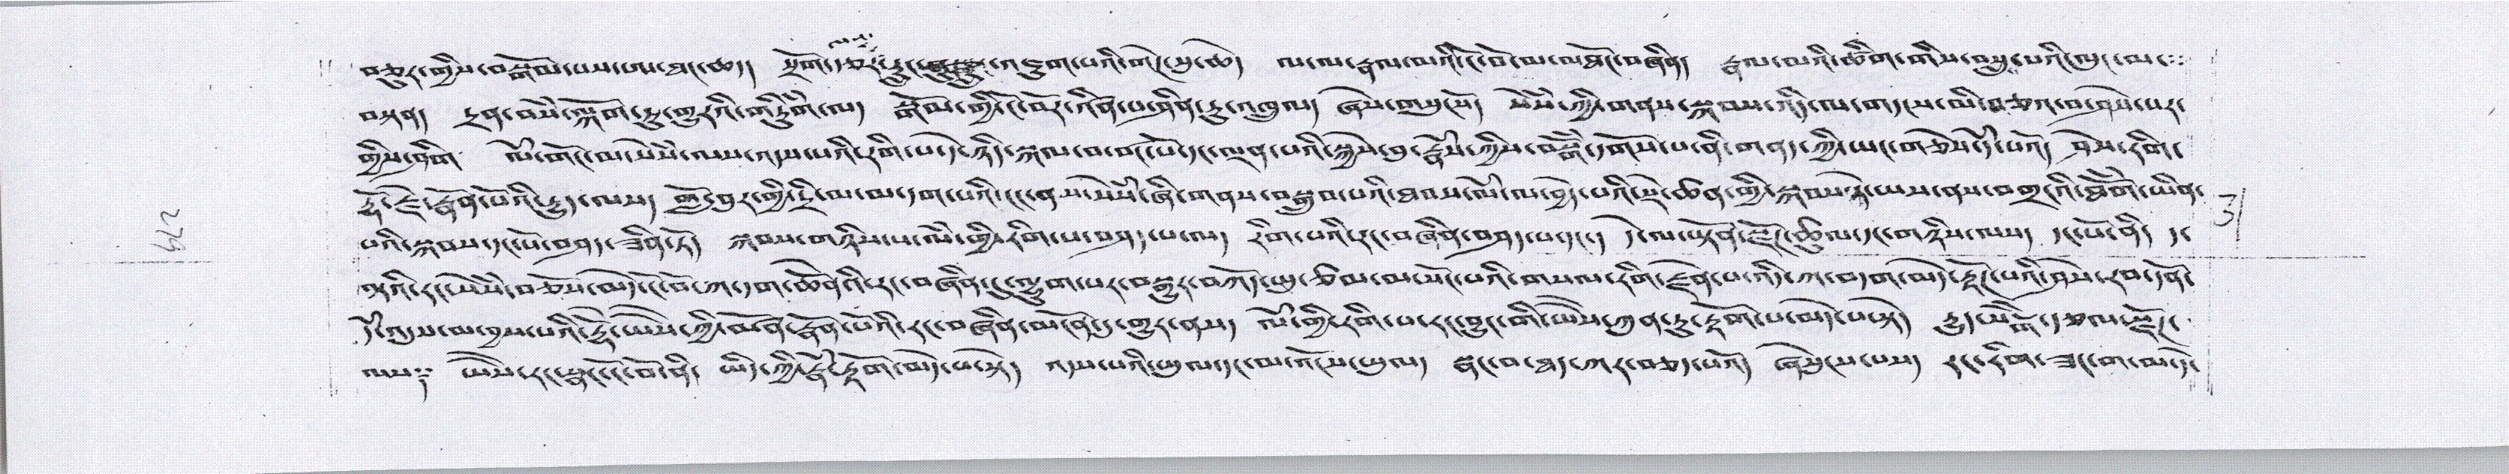བཅུར་གྱིས་བསྒོམ་པས་ཨ་ཐང་ཆད། སྲོག་རྩར་ལས་རླུང་འཇུག་པའི་གེགས་སུ་ཆེ། ལ་ལ་རྣལ་མའི་ངོ་བོ་མ་མཐོང་བཞིན། རྣལ་མའི་ཚིག་གིས་བསླུས་པའི་ལུང་མ་
བསྟན། དྲན་བསམ་ལྐོག་ཏུ་གྱུར་པའི་གཏི་མུག་ལ། སྒོམ་གྱི་ངོ་བོར་འཛིན་པ་ཤིན་ཏུ་འཁྲུལ། ཞེས་གསུངས་སོ། སེམས་ཀྱི་གནས་སྐབས་འདི་ལ་གདངས་མི་བཅའ་བ་ཤེས་པར་
གྱིས་ཤིག ལམ་གོང་མ་སེམས་ལས་འདས་པའི་རིག་པ་དེ་ཉིད་སྐལ་པ་བཟང་པོ་དང་ལྡན་པའི་སྐྱེས་བུ་རྣམས་ཀྱིས་བསྒོམ་དགོས་པ་ནི་གནད་ཀྱི་ཡང་གཅེས་དམ་པའོ། ཤེས་རིག་
རྡོ་རྗེ་རྣོན་པོའི་རྒྱུད་ལས། གློ་བུར་གྱི་དྲི་མ་མ་དག་པའི་ངང་ནས་སེམས་ཞི་གནས་བསྒྲུབ་པའི་ཐབས་ལམ་ལ་བྱེད་པའི་སྡེ་ཚན་གྱི་སྐབས་རེ་ཡས་ནས་བགྲང་བྱའི་ཐོག་མ་ཡིན་
པའི་སྐབས་དང་པོ་བཤད་ཟིན་ཏོ། སྐབས་གཉིས་པ་ལམ་གྱི་རིག་པ་བཤད་པ་ལ། རིག་པའི་རང་བཞིན་བཤད་པ་དང། དེ་ལ་ཡོན་ཏན་རྫོགས་ཚུལ་དང་གཉིས་ལས། དང་པོ་ནི། ད་
ལྟའི་རང་སེམས་བཅོས་མེད་ངོ་བོ་ཀ་དག་ཆེན་པོའི་རང་བཞིན་དུ་ལྷུག་པར་བསྒྱུར་བཀོད་སྤུ་ཙམ་མ་སོང་བའི་གསལ་རིག་རྗེན་པ་འདི་ཀ་བདག་མེད་རྟོགས་པའི་ཤེས་རབ་དོན་
དམ་འདུས་མ་བྱས་པའི་རྡོ་རྗེ་ཡེ་ཤེས་ཀྱི་མཚོན་རྣོན་པོའི་རང་བཞིན་མངོན་དུ་གྱུར་ནས། ལམ་གྱི་རིག་པ་རང་བྱུང་གི་ཡེ་ཤེས་ཀུན་ཏུ་རྟོག་པ་མེད་པ་སྟེ། རྒྱུད་སེང་གེ་རྩལ་རྫོགས་
ལས། ཡེ་ཤེས་རང་སྣང་ངོ་བོ་ནི། ཡིད་ཀྱི་རྣམ་རྟོག་མེད་པ་སྟེ། འདས་པའི་ཡུལ་དང་མ་འོངས་ཡུལ། སྣང་བ་ཐད་ཀར་བཅད་པའོ། ཞེས་གསུངས་པས། རང་རིག་ཟང་ག་མ་དེ་